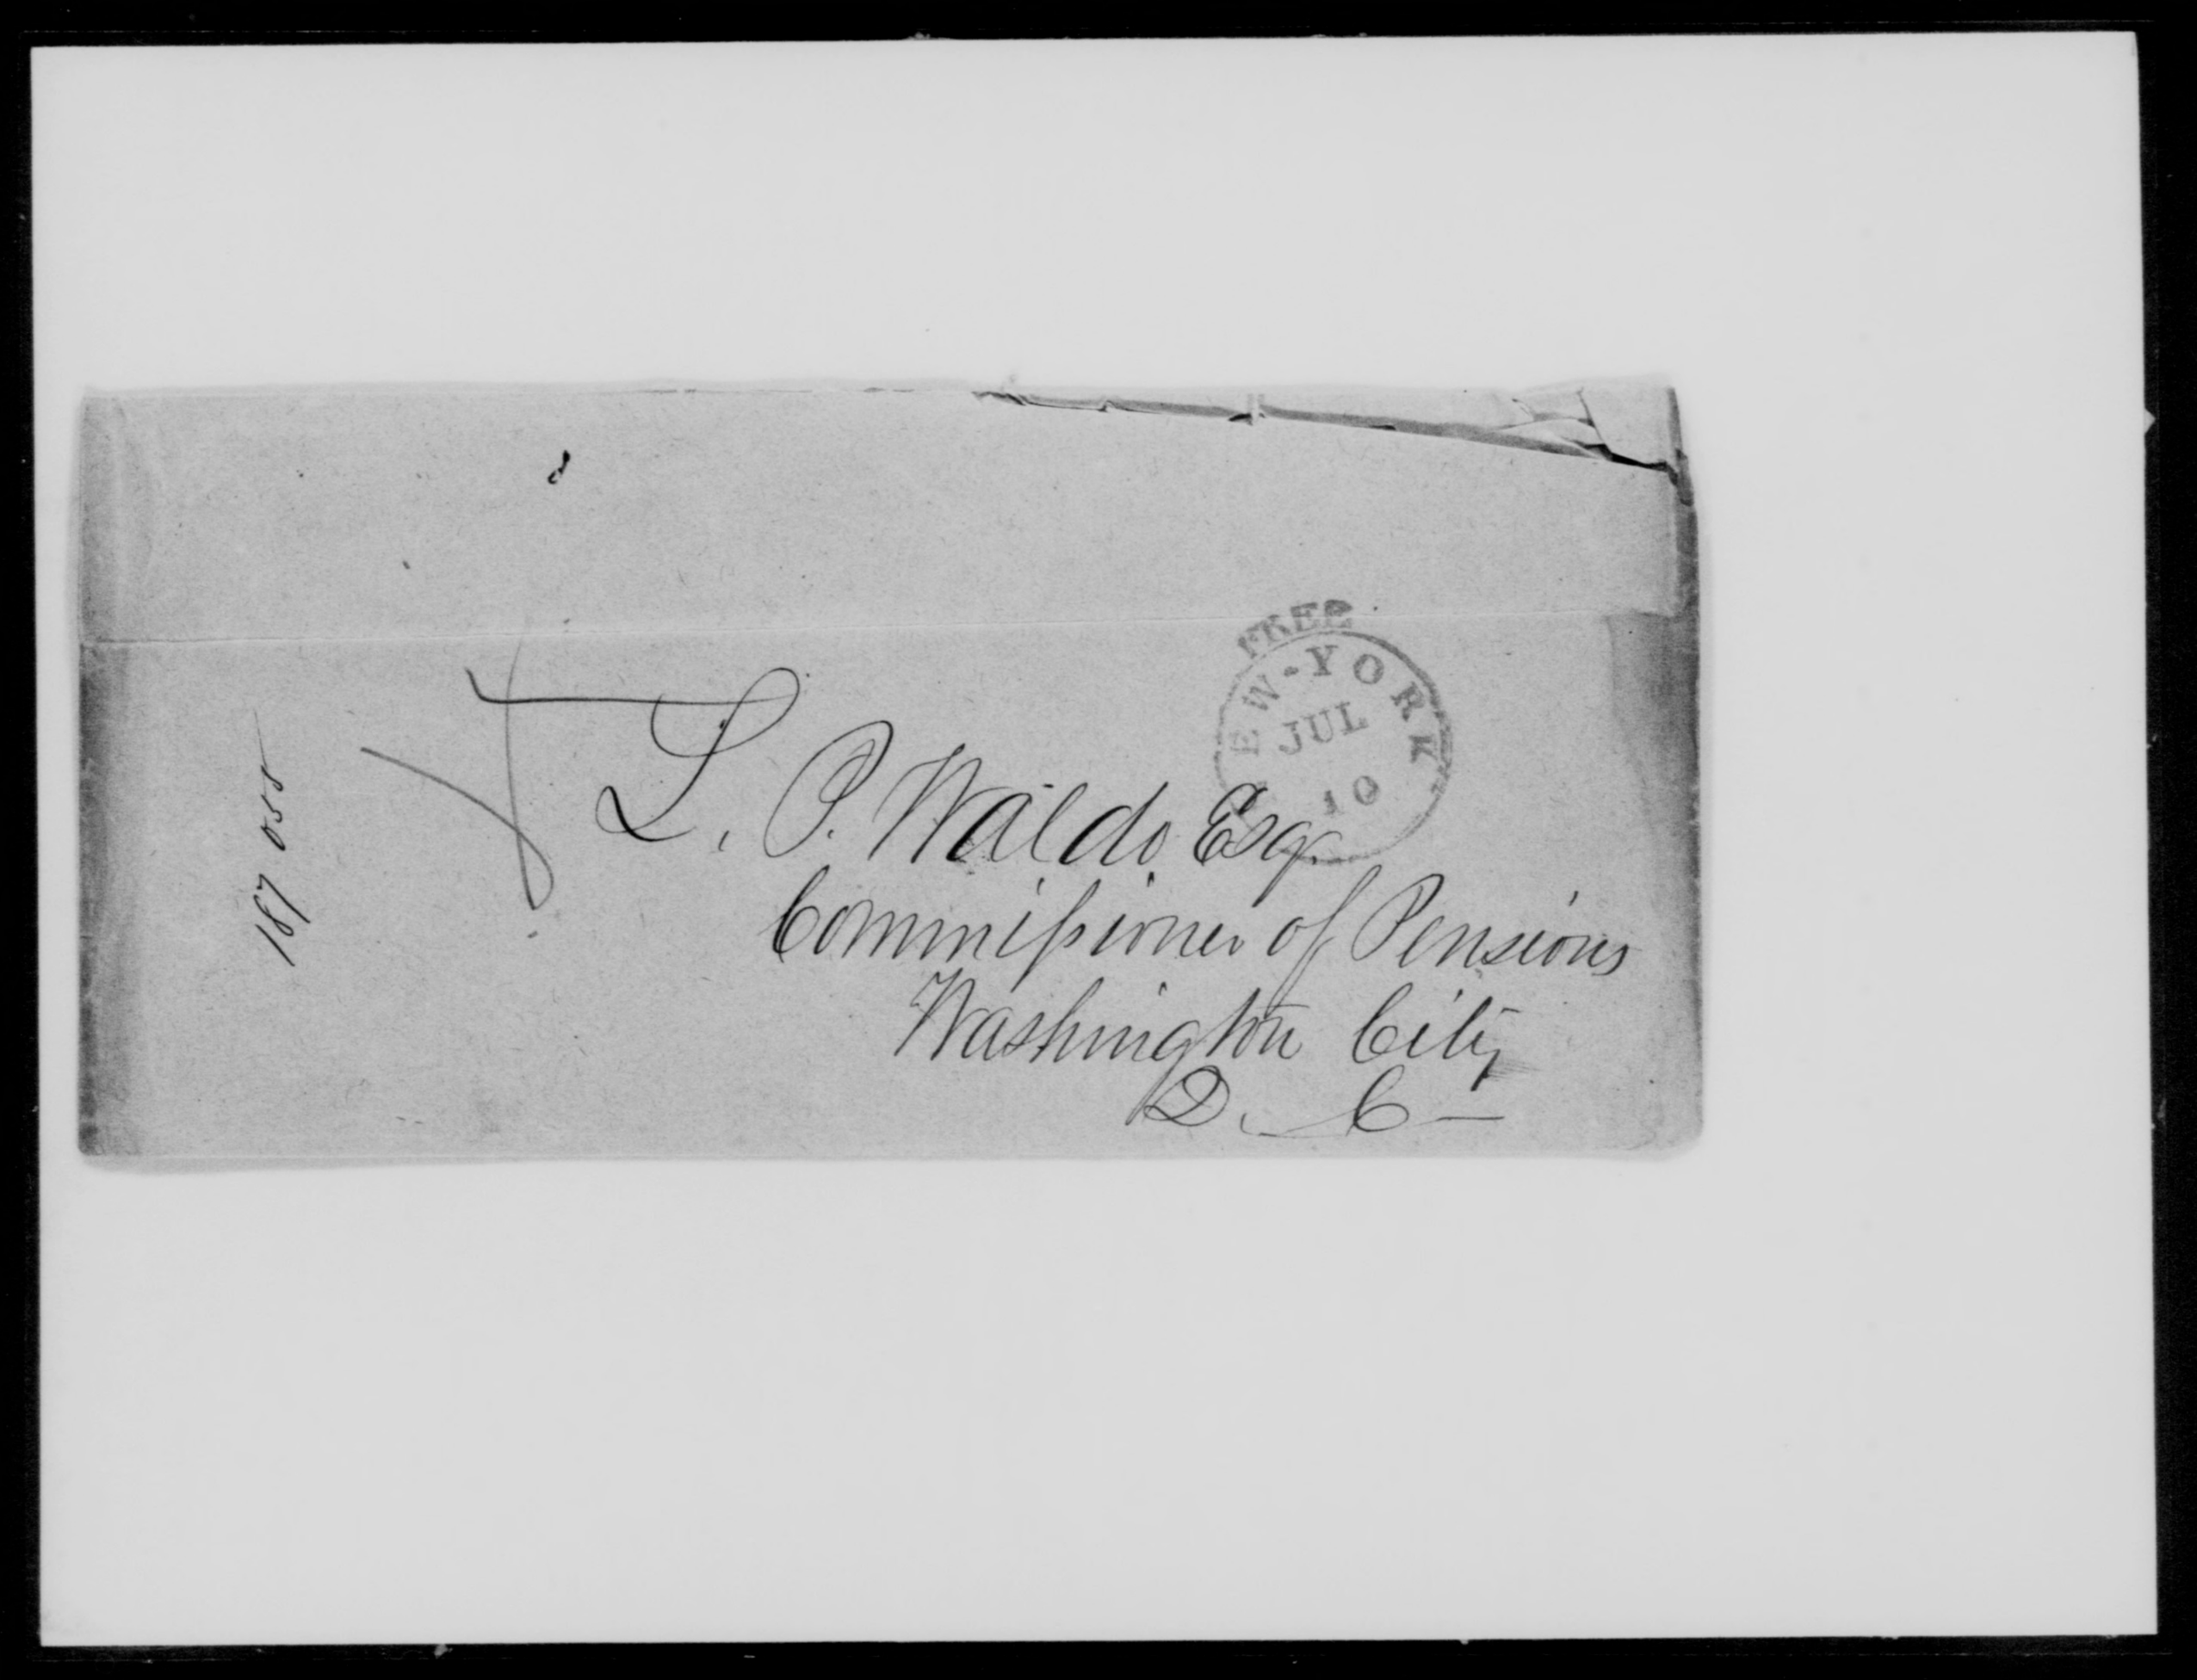L.P. Waldo
Commissioner of Pensions
Washington City  D.C.
[postal mark] NEW YORK JUL 10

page: 51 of 101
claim: widow's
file: W. 25481, for Peter V Tilyou, New Jersey